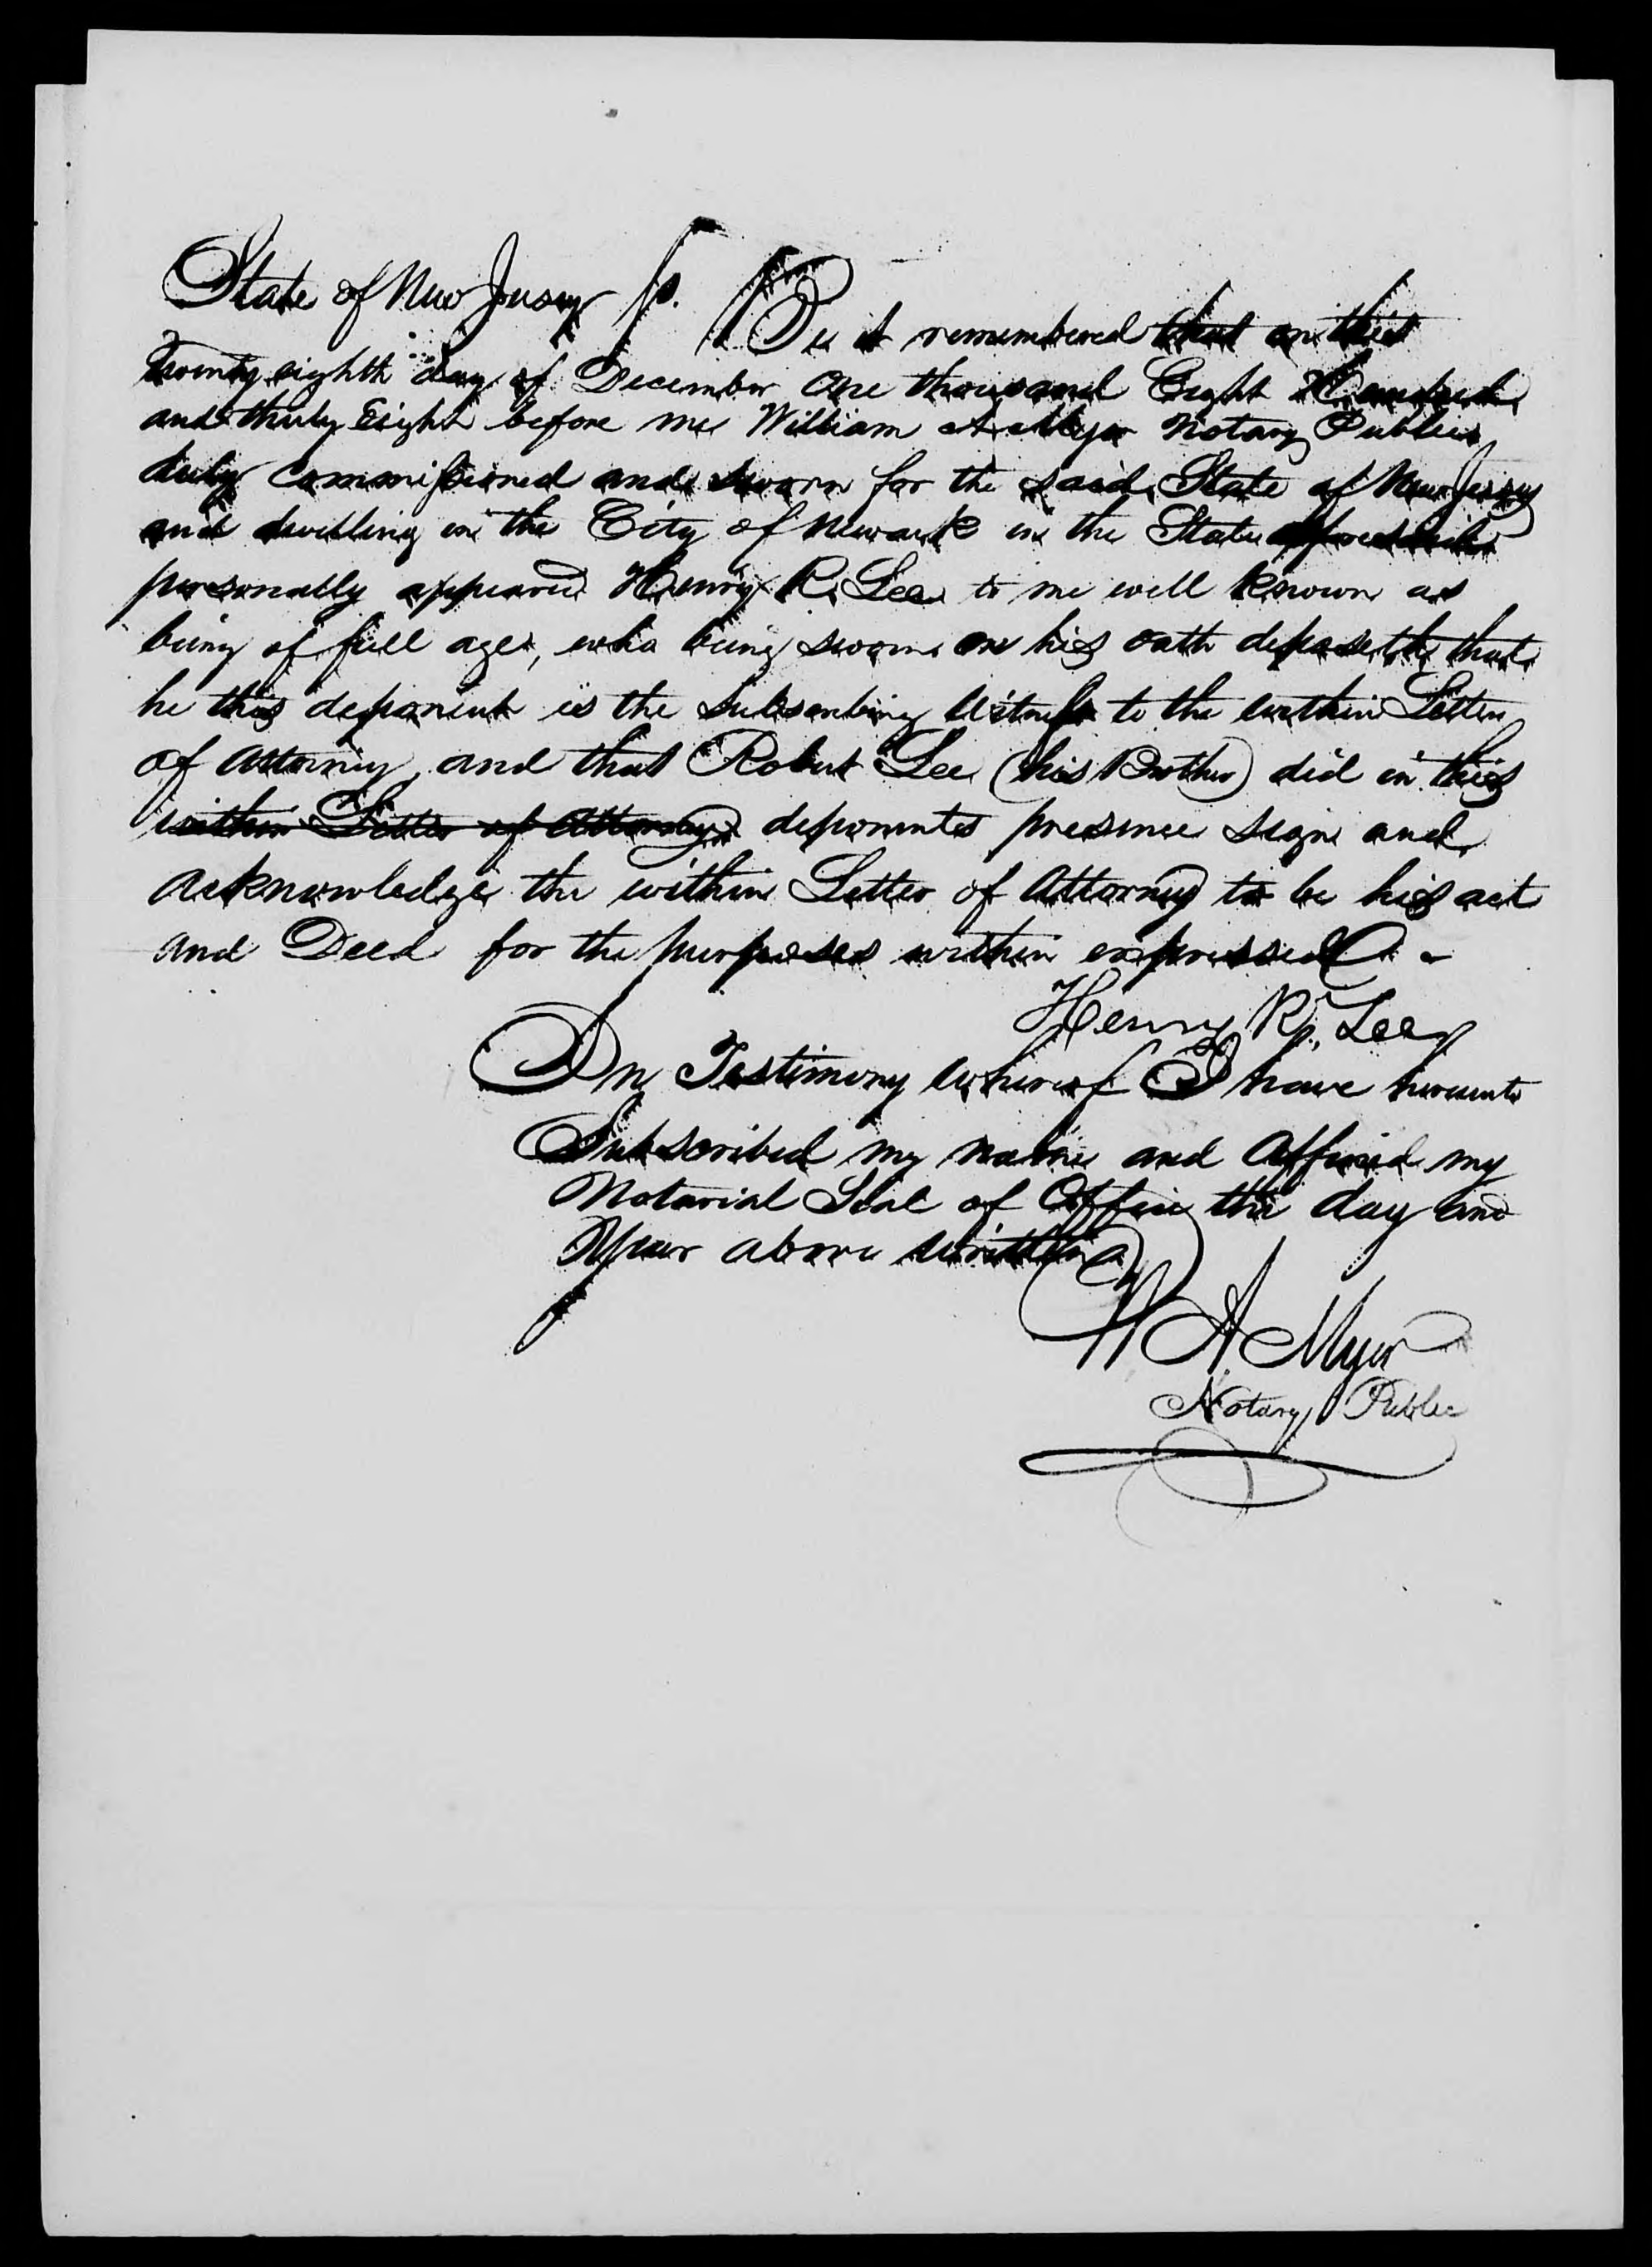State of New Jersey Ss

Be it remembered that on this twenty eighth day of December one thousand Eight
and thirty Eight before me William A Myer Notary Public duly commissioned and sworn for the said State of New Jersey and dwelling in the City of Newark in the State aforesaid
personally appeared Henry R. Lee to me well known as being of full age, who being sworn on his oath deposeth that he this deponent is the subscribing witness to the within Letter
of Attorney, and that Robert Lee (his brother) did in this within deponents presence sign and
acknowledge the within Letter of Attorney to be his act and Deed for the purposes within expressed.

Henry R. Lee

In Testimony whereof I have hereunto
Subscribed my name and affixed my Notarial Seal of Office the day and year above

W A Myer
Notary Public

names: Robert Lee, William A Myer, Henry R Lee, W A Myer, Henry R Lee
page: 45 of 62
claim: survivor's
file: S. 540, James Heard, Continental - New Jersey Residence In 1818